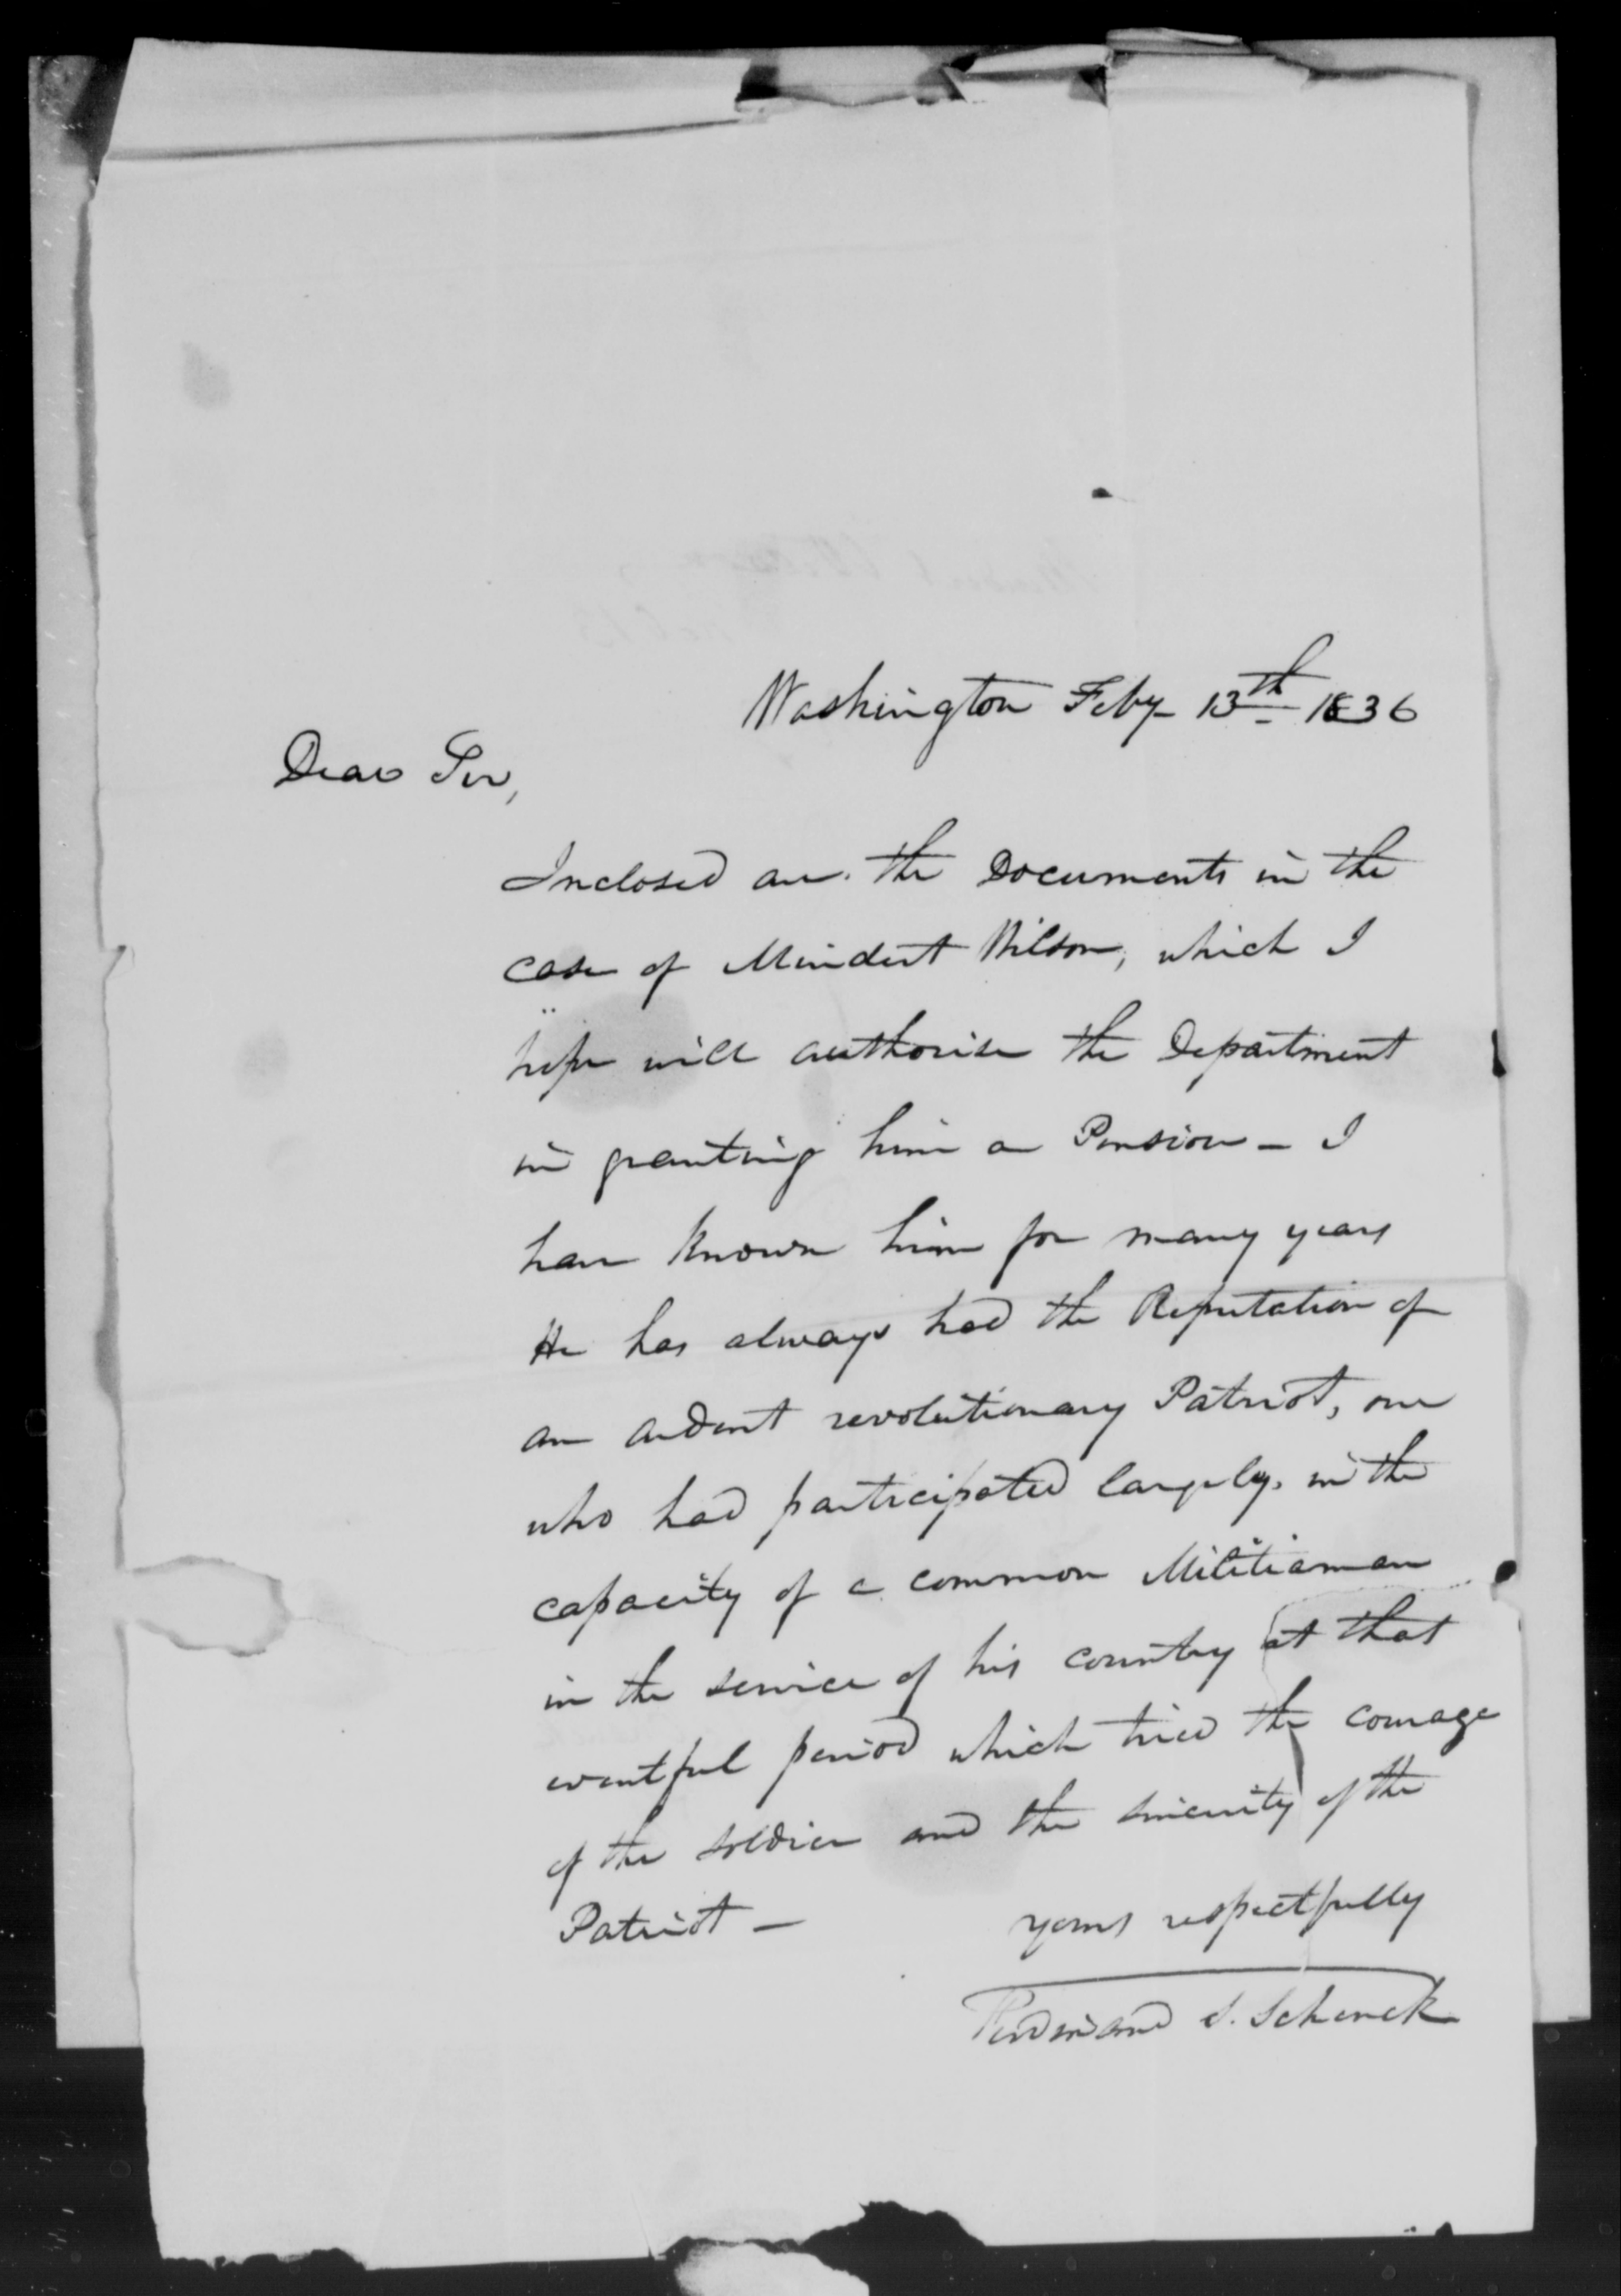Washington Feby 13th 1836

Dear Sir,

Inclosed are the documents in the case of Mindert Wilson, which I hope will authorise the Department in granting him a pension. I have known him for many years He has always had the reputation of an ardent revolutionary Patriot, one who had participated largely, in the capacity of a common Militiaman in the service of his country at that eventful period which tried the courage of the soldier and the sincerity of the Patriot.

yours respectfully
Ferdinand S. Schenck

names: Mindert Wilson, Ferdinand S Schenck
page: 21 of 40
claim: survivor's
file: S. 3564, Mindart Wilson, New Jersey